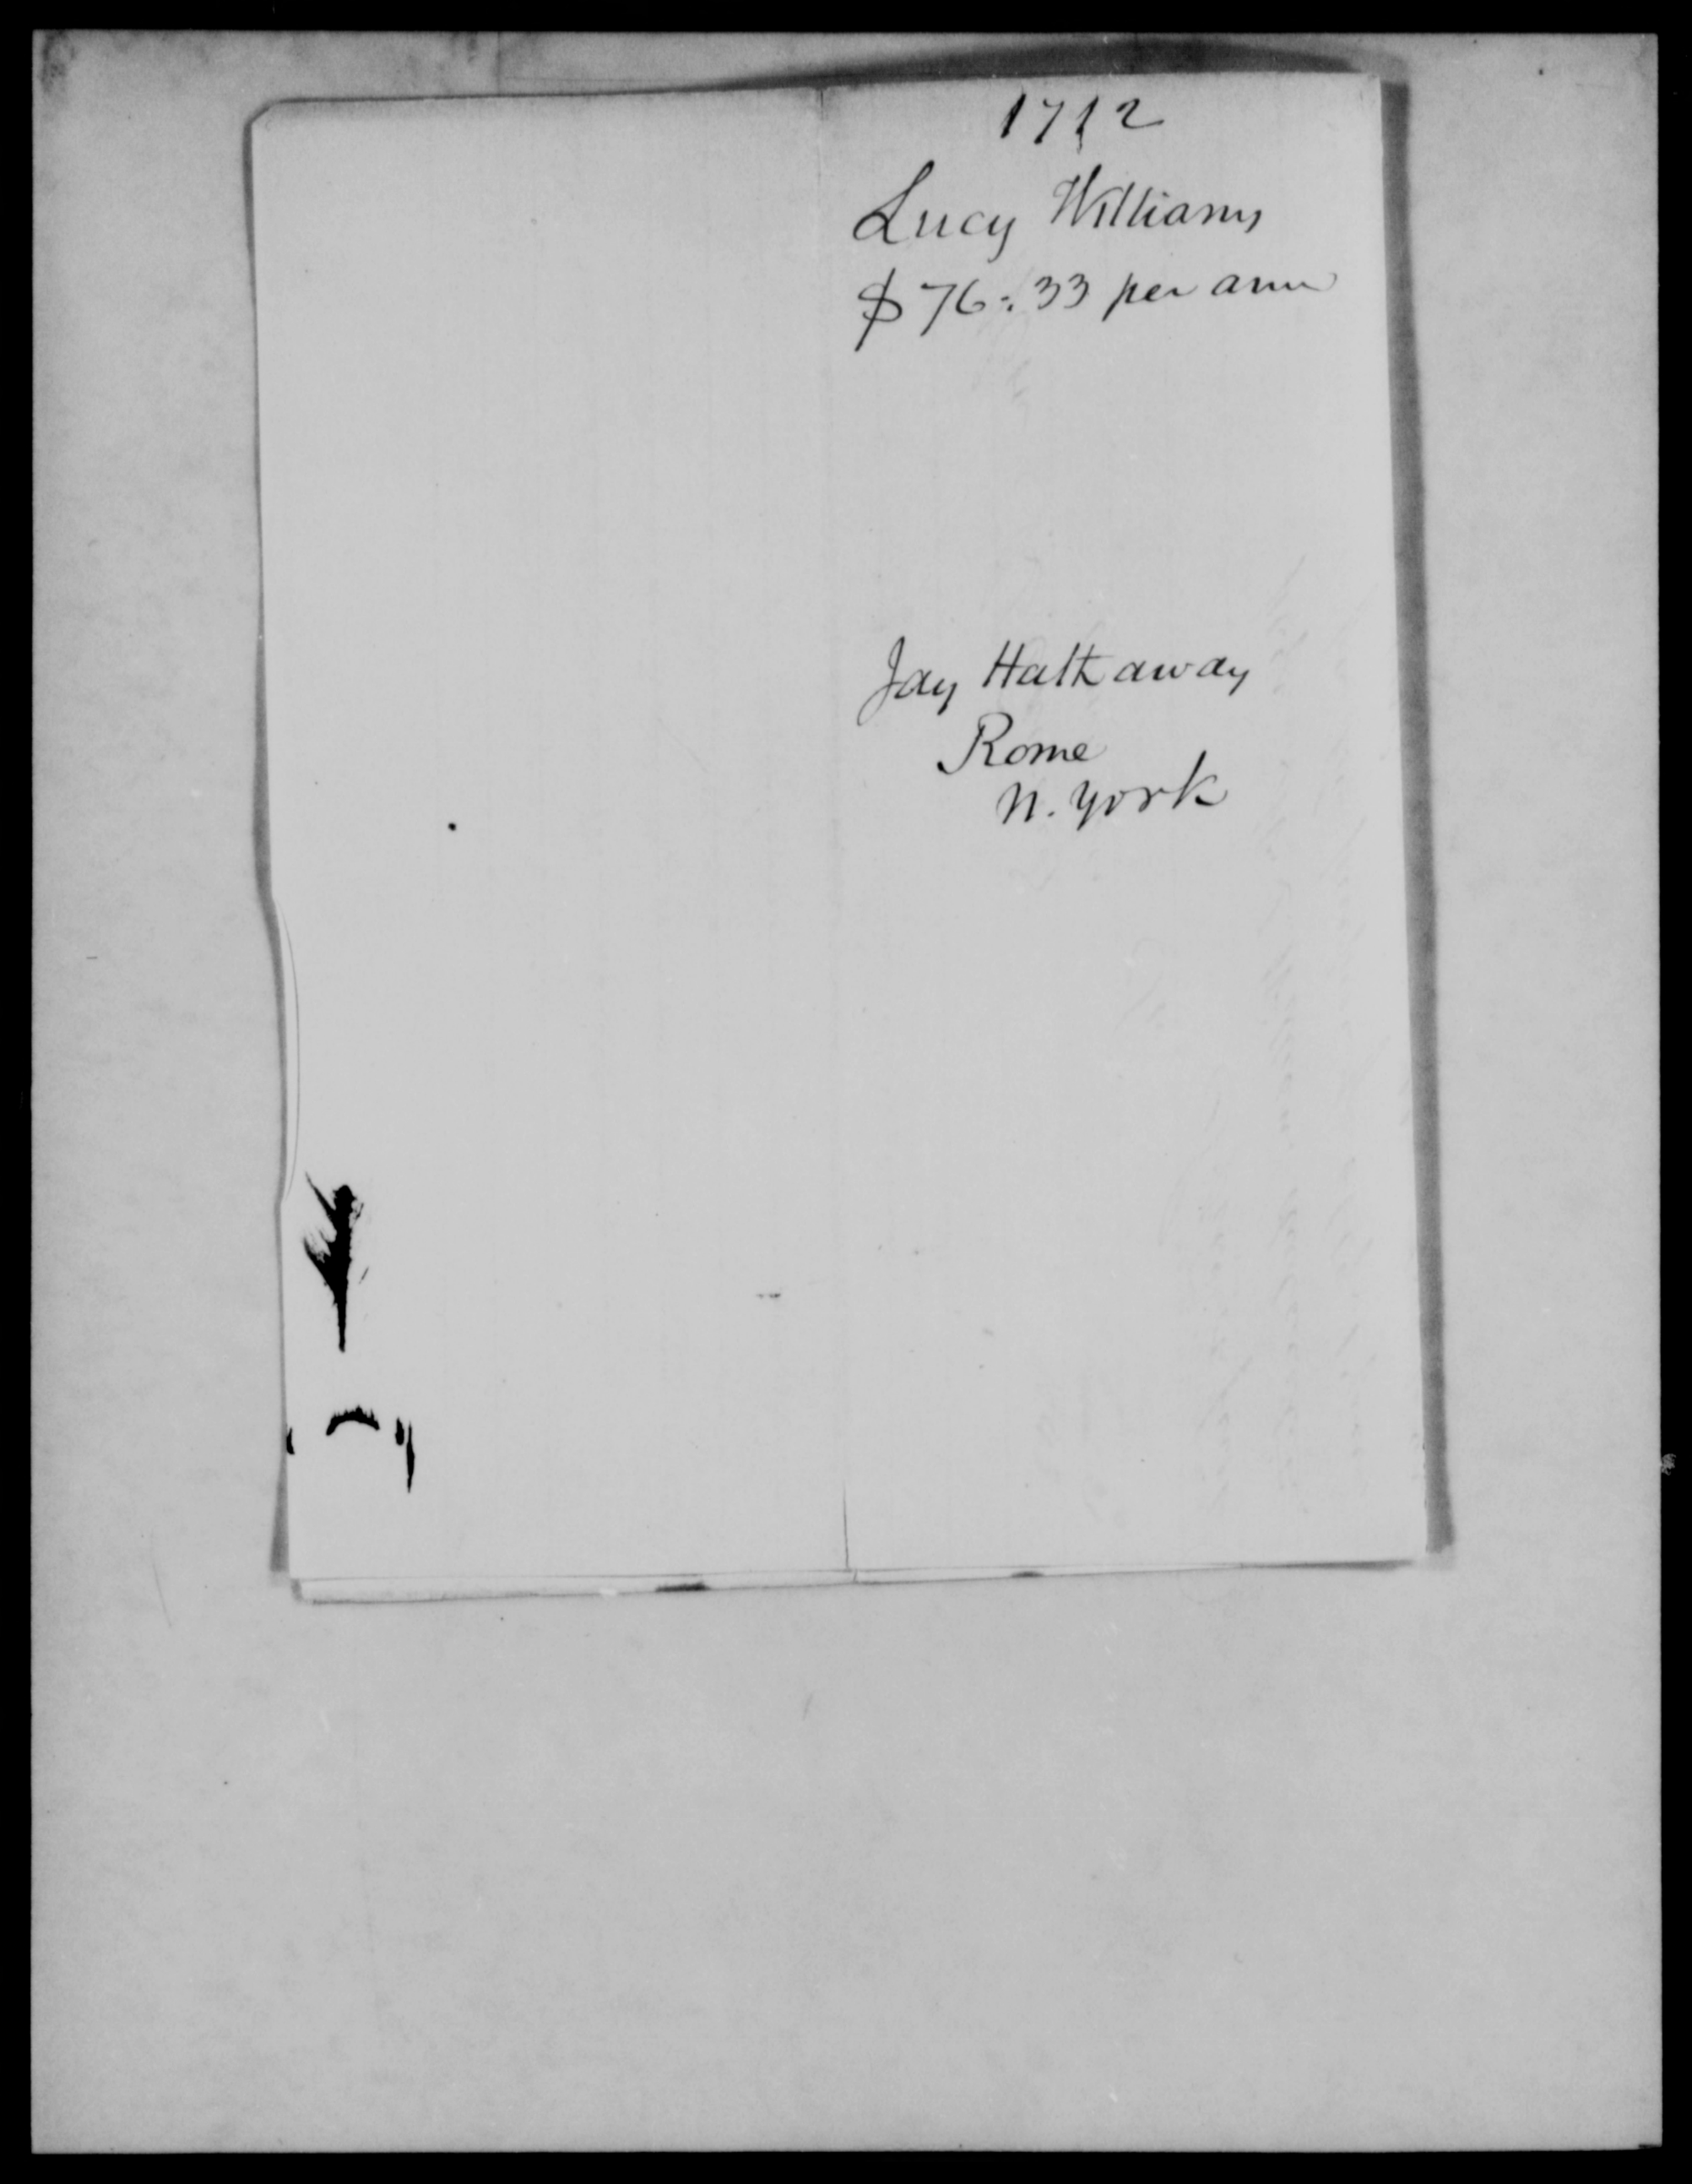1712
Lucy Williams
$76.33 per ann

Jay Hathaway Rome N. York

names: Jay Hathaway, Lucy Williams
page: 25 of 63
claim: widow's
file: W. 22,632, David Williams, Conn. Continental Privateer